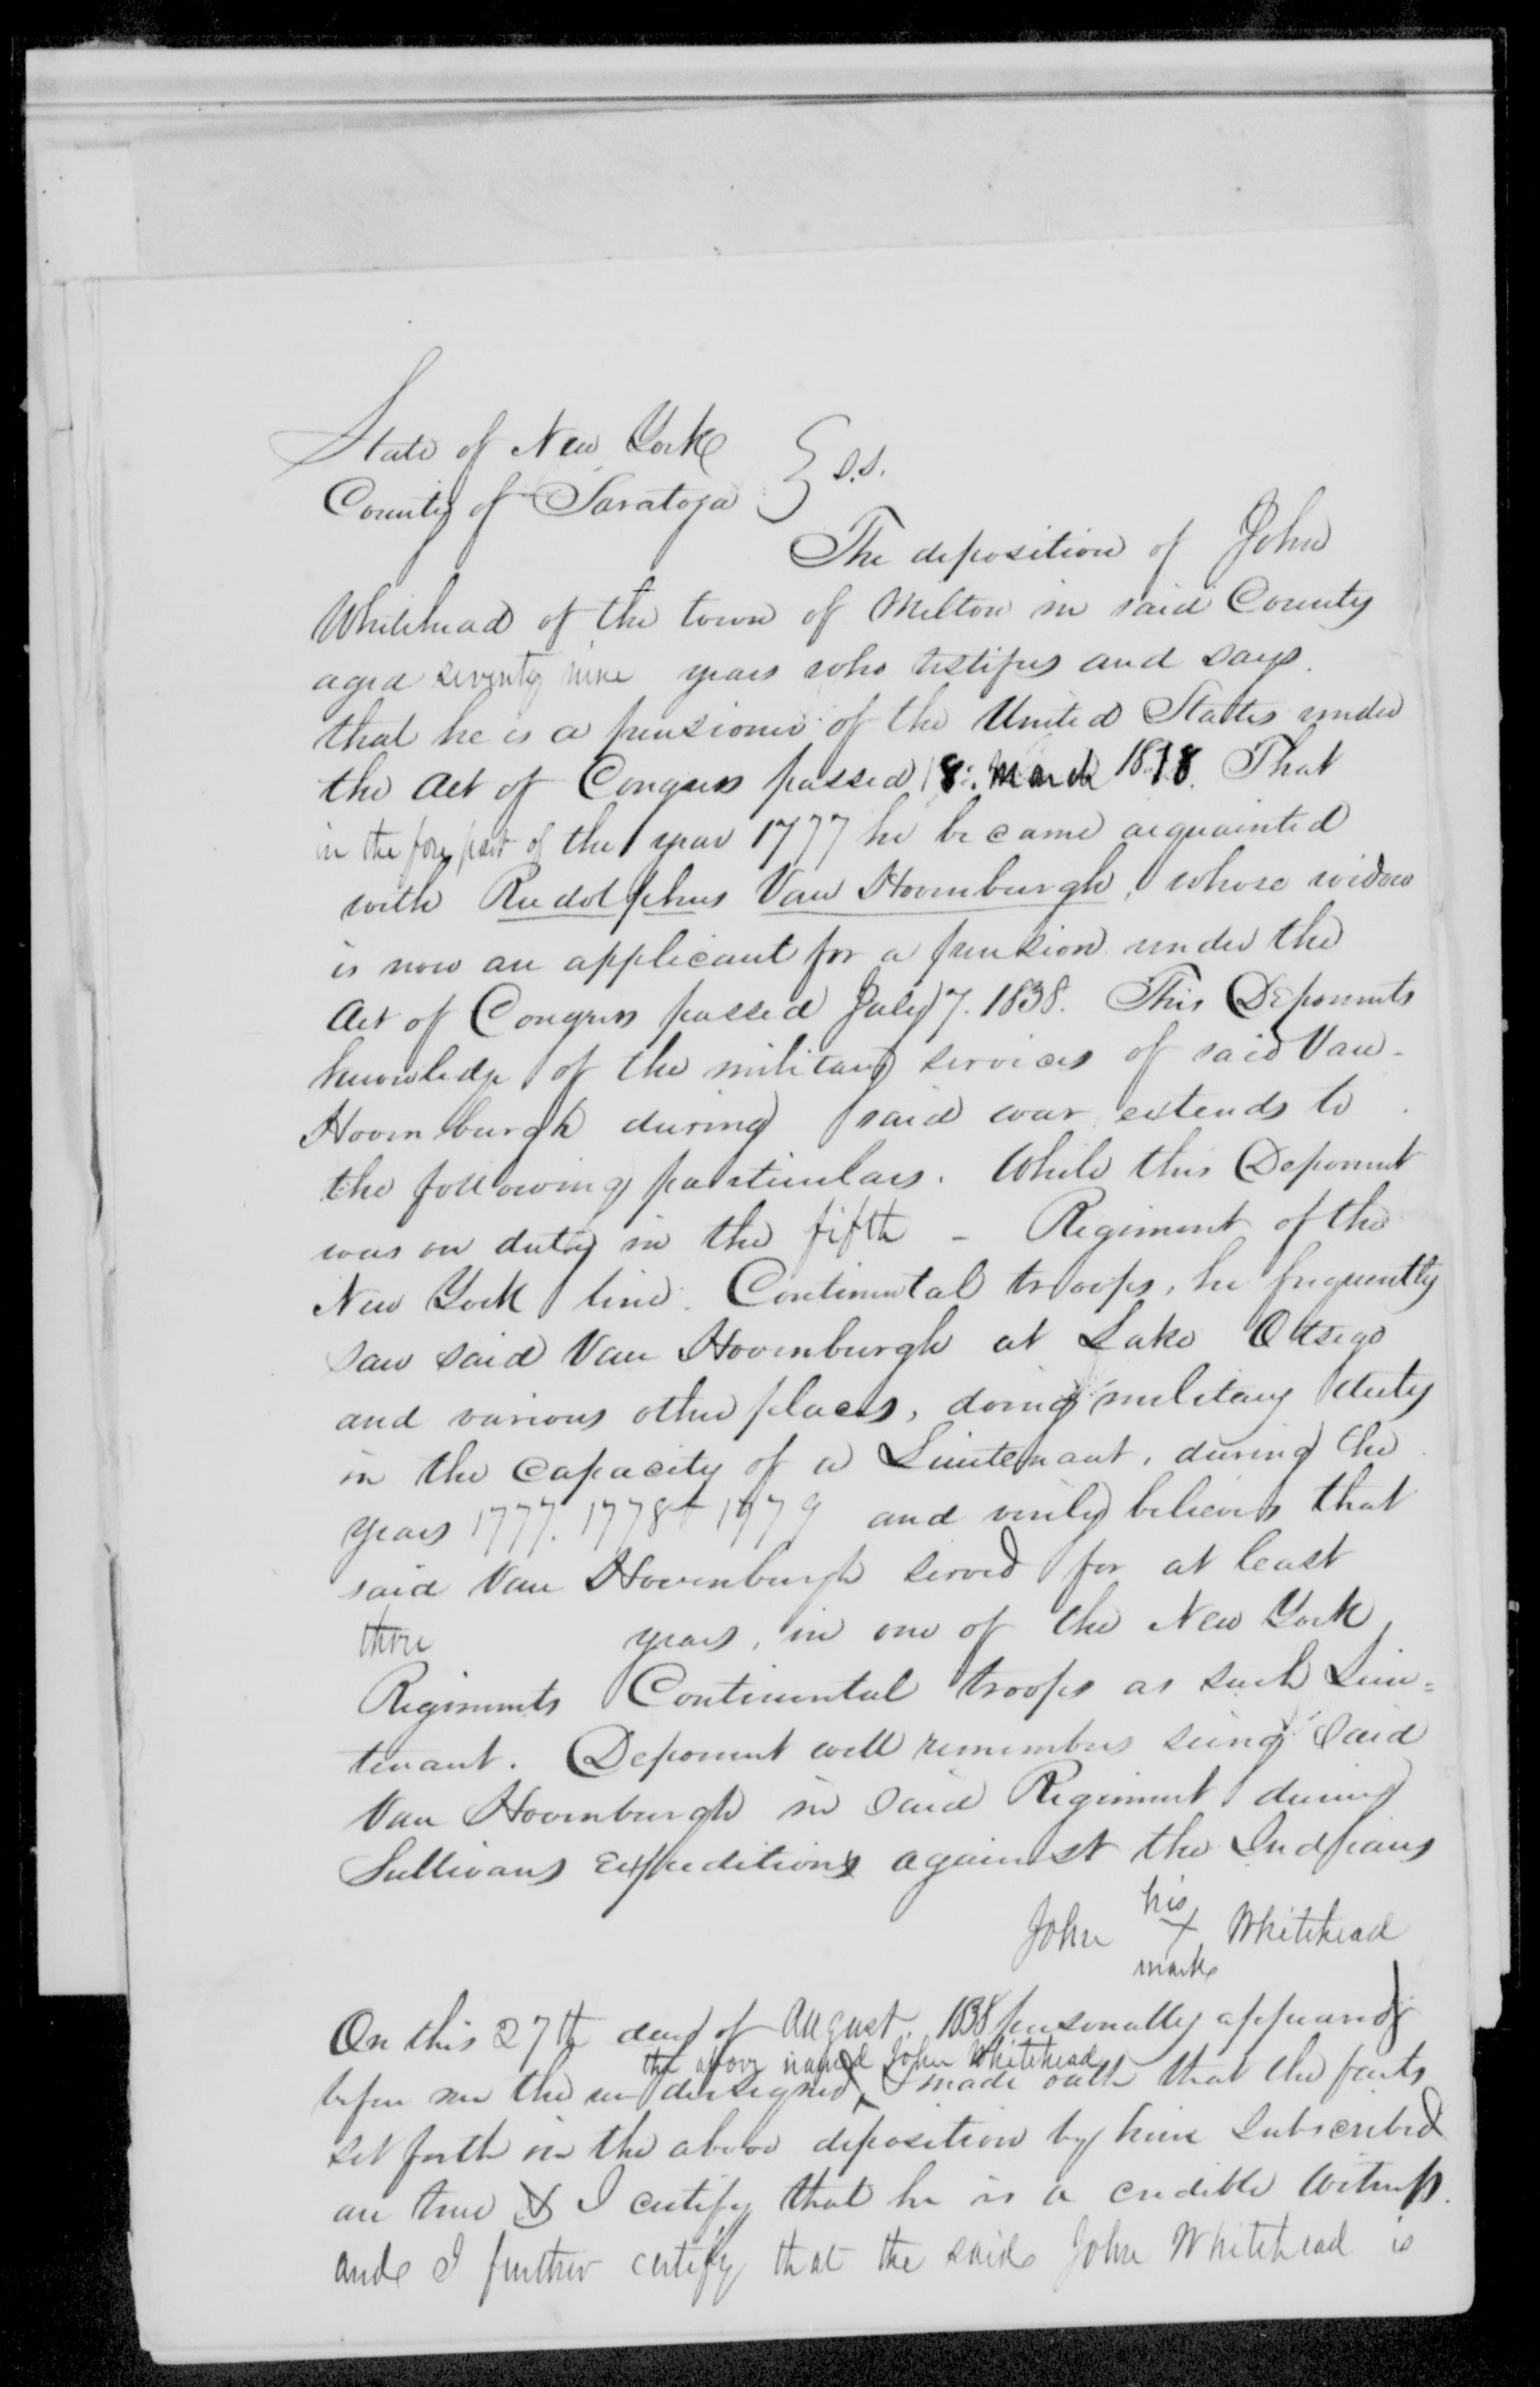State of New York
County of Saratoga}
SS
The deposition of John Whitehead of the town of Milton in said County aged seventy nine years who testifies and says that he is a pensioner of the United States under the act of Congress passed 18 March 1818. That in the forepart of the year 1777 he became acquainted with Rudolphus Van Hovenburgh whose widow is now an applicant for a  pension under the act of Congress passed July 7. 1838. This Deponents knowledge of the military services of said Van Hovenburgh during said war extends to the following particulars. While this Deponent was on duty in the fifth - Regiment of the New York line Continental troops, he frequently
saw said Van Hovenburgh at Lake Otsego and various other places, doing military duty in the capacity of a Lieutenant, during the years 1777. 1778 1779 and verily believes that said Van Hovenburgh served for at least those years, in one of the New York Regiments Continental troops as such Lieutenant. Deponent well remembers seeing said Van Hovenburgh in said Regiment during Sullivans Expedition against the Indians.
John his X mark Whitehead

On this 27th day of August 1838 personally appeared
before me the undersigned ^the above named John Whitehead. I made oath that the facts set forth in the above deposition by him subscribed are true & I certify that he is a credible witness. and I further certify that the said John Whitehead is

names: John Whitehead, Rudolphus Van Hovenburgh, John Whitehead, Van Hovenburgh, Van Hovenburgh, John Whitehead, Van Hovenburgh, Van Hovenburgh, John Whitehead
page: 8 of 38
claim: widow's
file: W. 23324, Rudolphus Van Hoevenbergh, New York